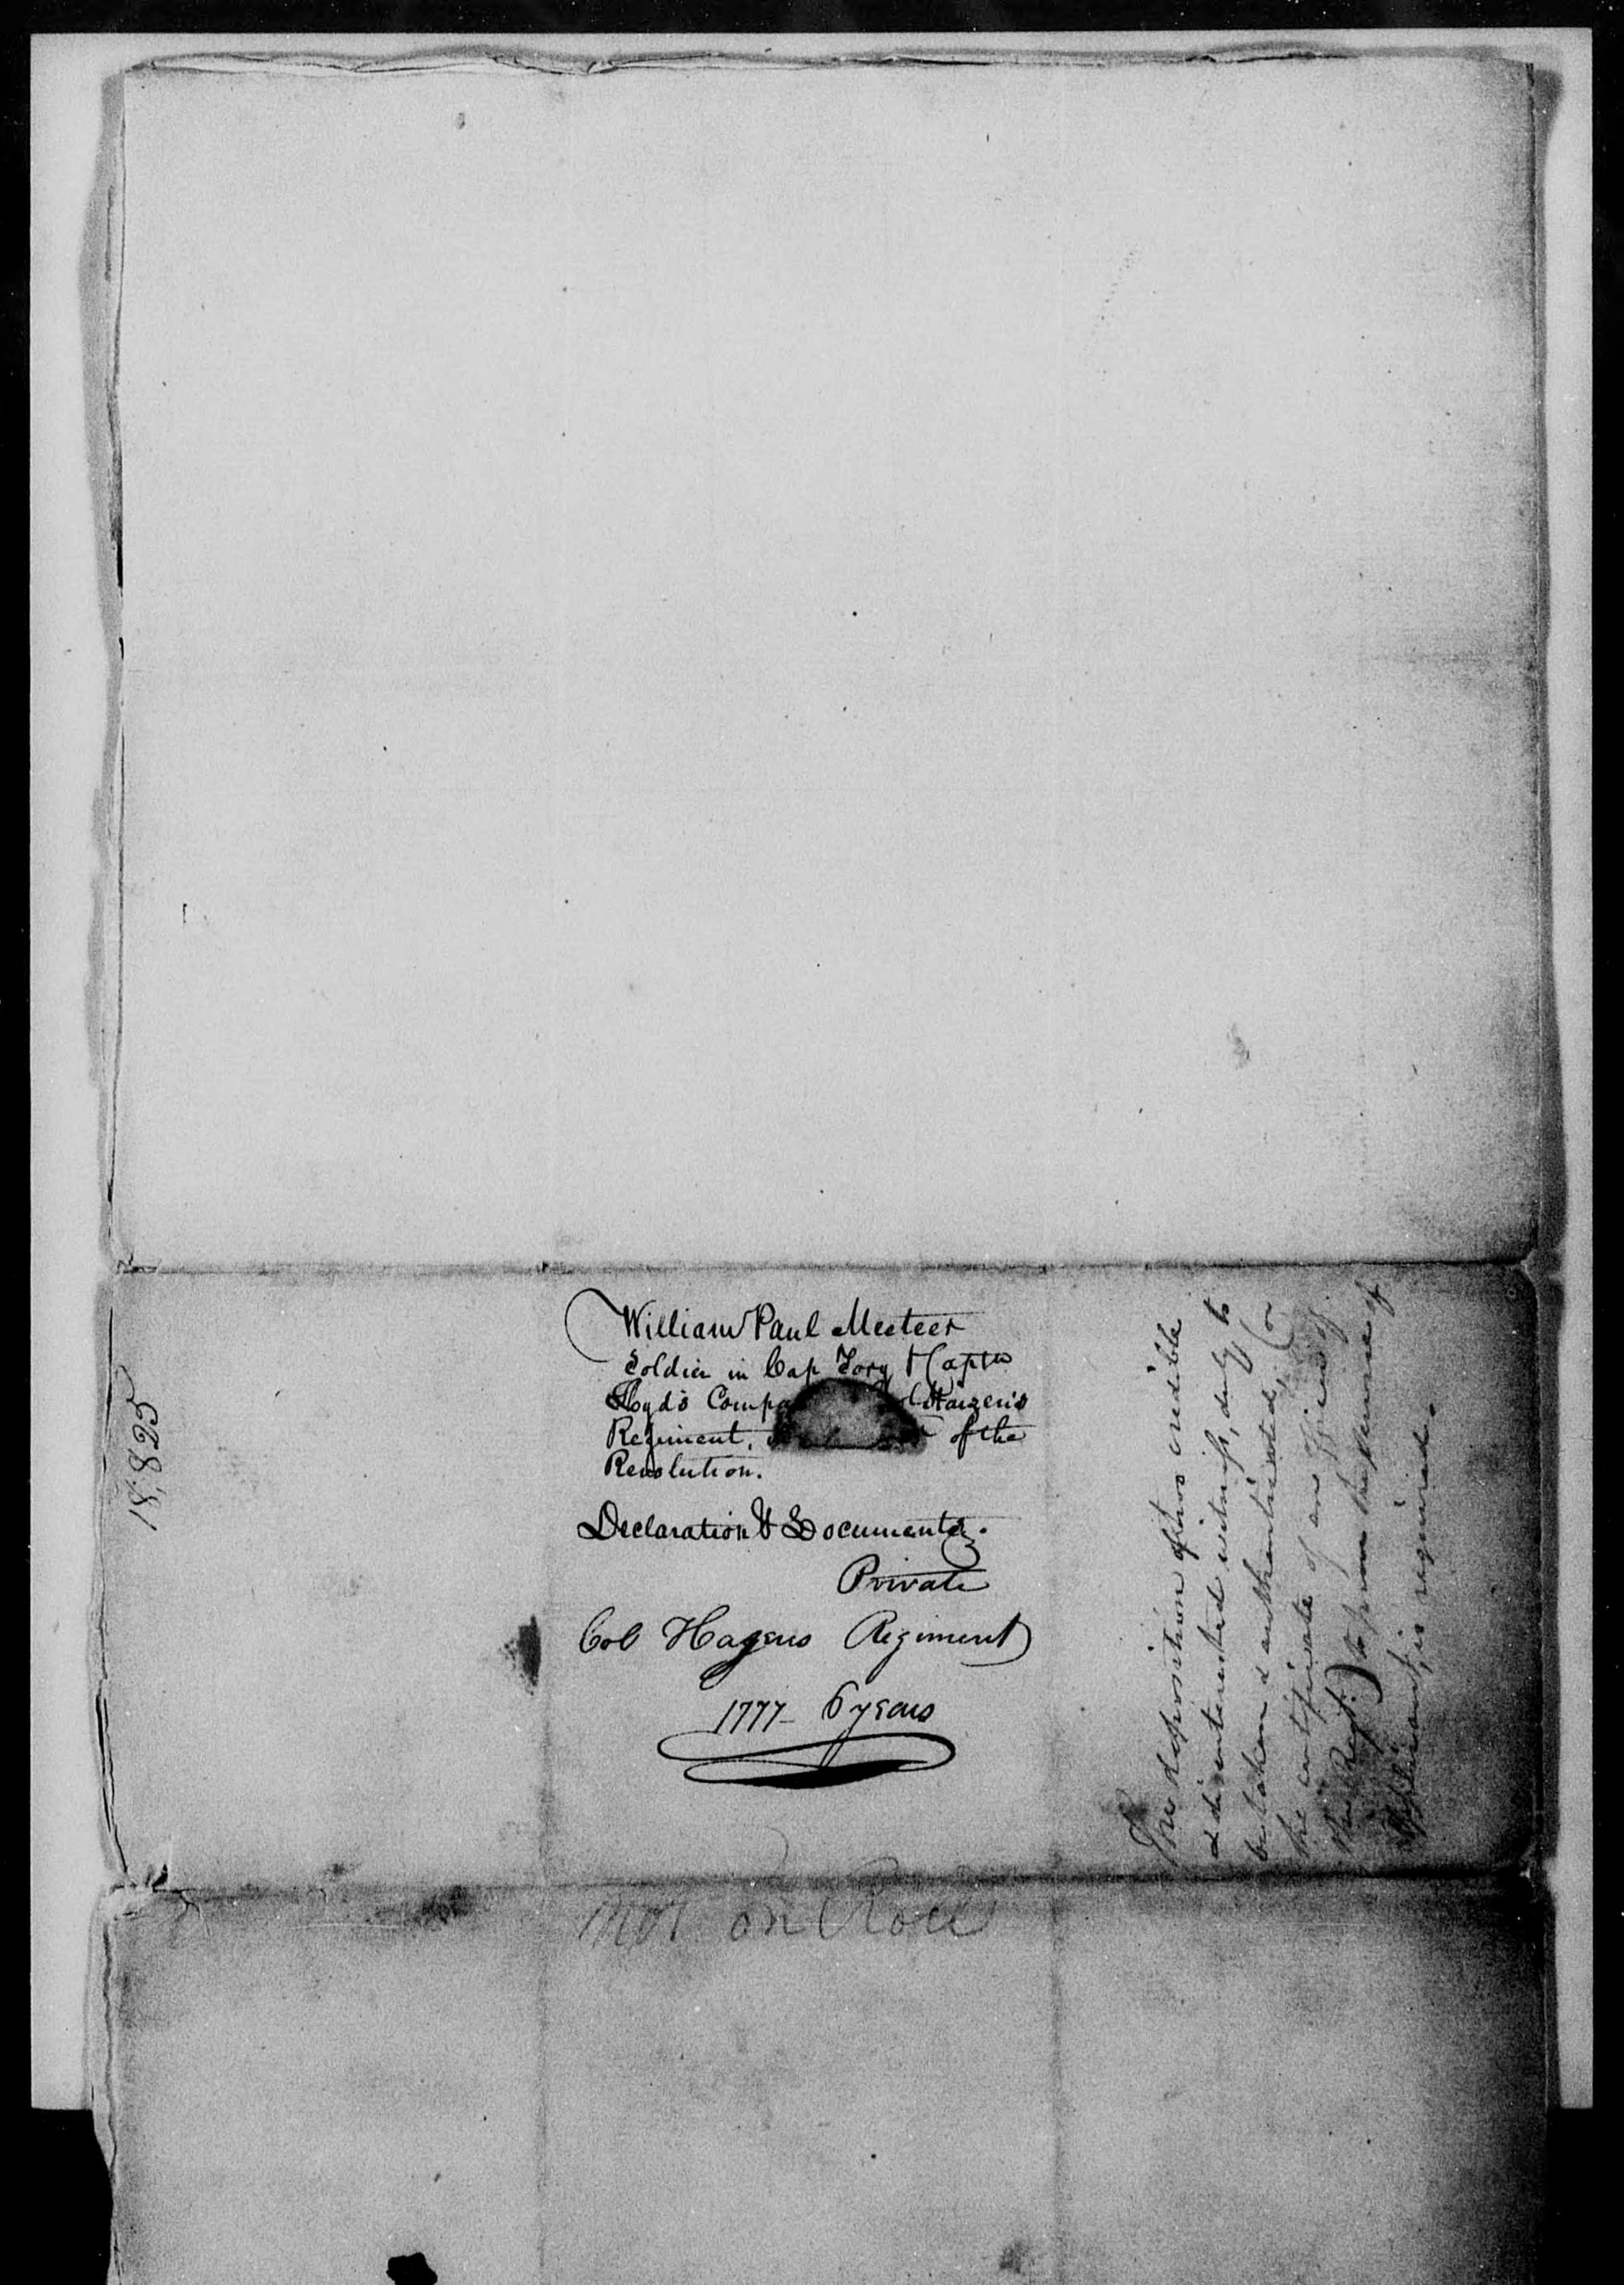William Paul Meeteer
soldier in Cap Tory and Captain Boyd's Company.  Col. Haizen's Regiment. (Duration) of the Revolution.

Declaration & Documentary
Private
Col. Hagens Regiment
1777 - 6 years

not on roll

The disposition of his credible & disinterested witnesses, duly to be taken & authenticated, on the certificate of an officer of the Regiment to prove the service of applicant is required.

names: [BLANK] Tory; William Paul Meeteer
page: 5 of 14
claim: survivor's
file: S. 40242, for William Palmiteer, Pennsylvania